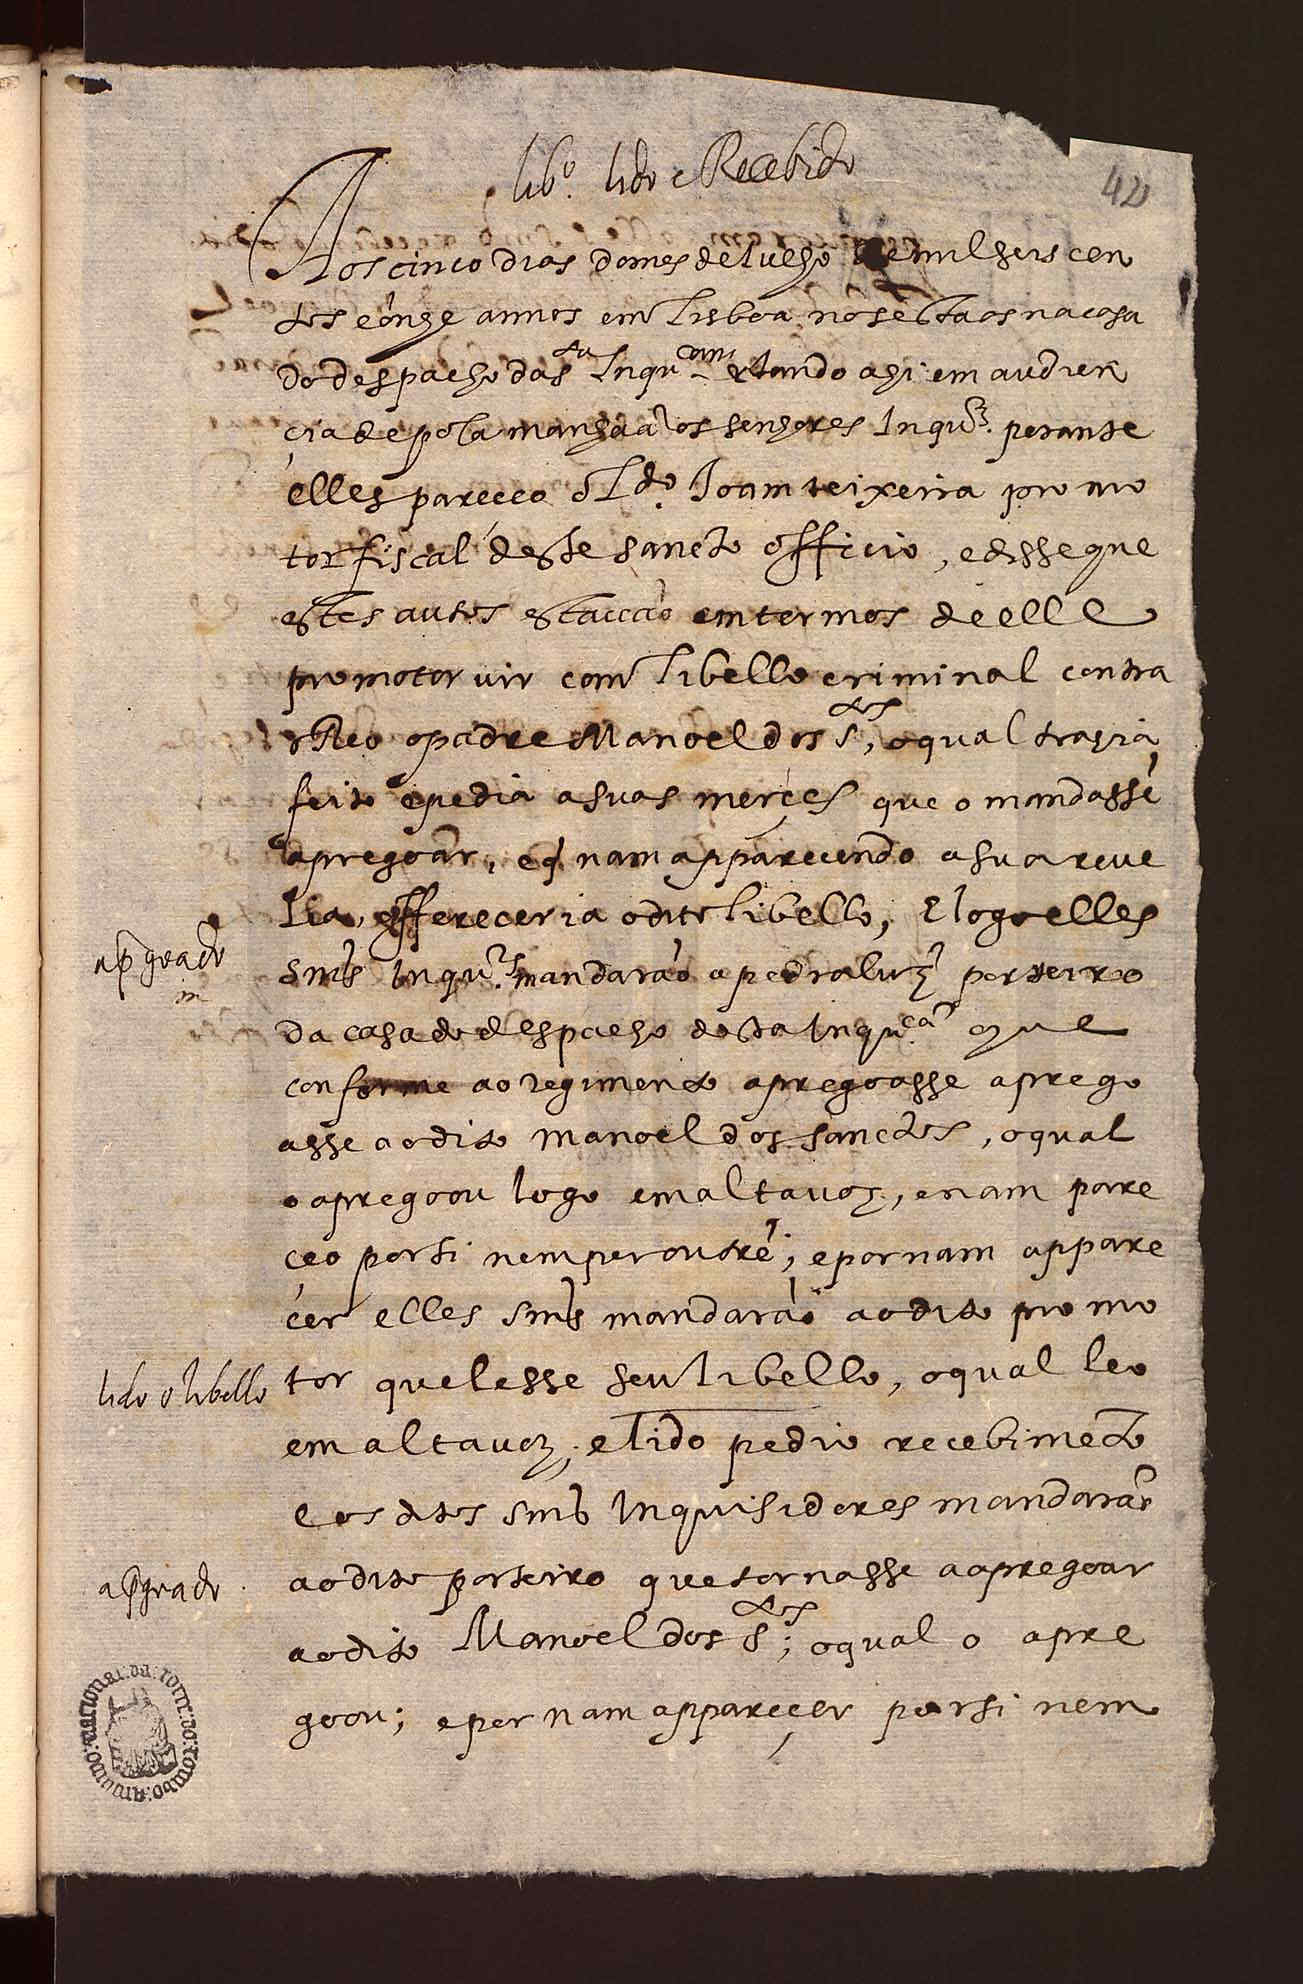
Aos cinco dias do mes de Julho de mil seicen
tos e onze annos em Lisboa nos estaos na casa
do despacho da Sta Jnqu.cam estando ahi em audien
çia de pola manha aos senhores Jnqu.s perante
elles pareçeo o Ldo. Joam teixeira promo
tor fiscal deste sancto officio, e disse que
estes autos estavão em termos de elle
promotor vir com libello criminal contra
o Reo o padre Manoel dos Stos, o qual trazia
feito o pedia a suas merçes que o mandassē
apregoar, e q̄ nam as parecendo a sua reve
lia, offerecer ia o dito libello, e logo elles
snr̄s jnqurs mandarão a pedralvrz̄ porteiro
da casa do despacho desta inqu.cã que
conforme ao regimento apregoasse aprego
asse ao dito manoel dos sanctos, o qual
o apregoou logo em alta voz, e nam pare
çeo por si nem per outrē; e por nam appare
cer elles snrs̄ mandarão ao dito promo
tor que lesse seu Libello, o qual leo
em alta voz; e lido pediu recebimēto
e os ditos snrs̄ Jnquisidores mandarão
ao dito porteiro que tornasse a apregoar
ao dito Manoel dos Stos; o qual o apre
goou; e por nam appareçer por si nem
